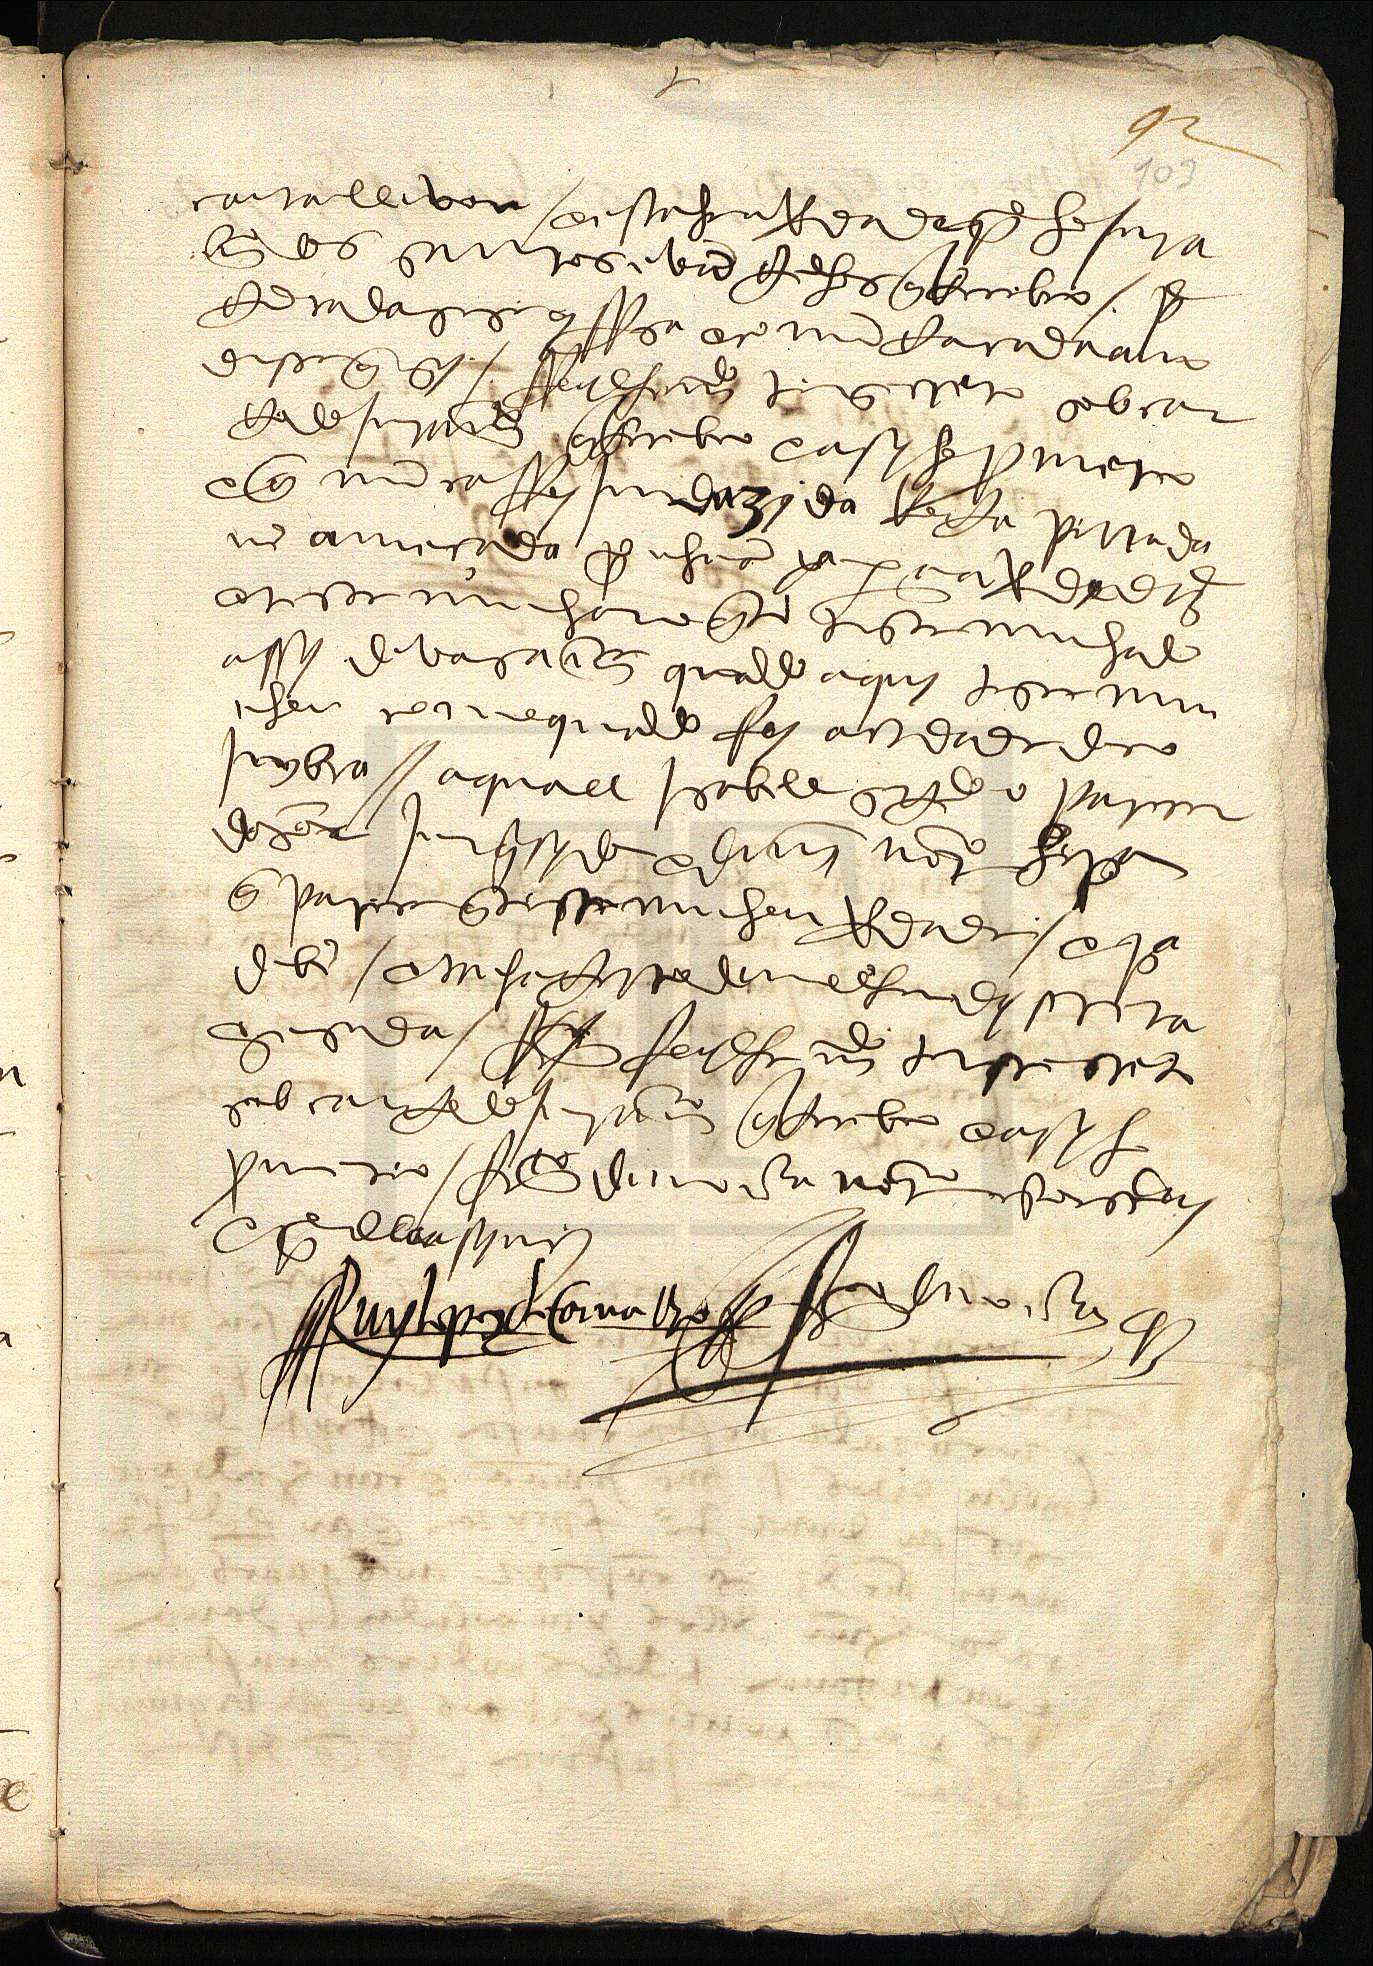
carta llevou / e esta he a ꝟdade p̄o ho Jura
mto dos santos evāgelhos q̄ Recebeo /. p̄
gūtada se se ꝯffesa e comūga cada ano
disse q̄ sy / ffoylhe mdo ter secreto sob car
go do Juramto q̄ Recebeo e asy ꝓmeteo
e q̄ nūca ffoy Jmduzyda Roga pejtada
nē ameçada p̄o nhuā pa ꝑa aꝟ de diz̄
e testemunhar o q̄ tē testemunhado
assy devasamte quādo aquj testemu
nhou como quādo foj a cidade de co
Jmbra // a quall Jsabell segdo o parecer
do sor Jmqisydor e de mj̄ notro he pa
q̄ parece q̄ testemunhou ꝟdade / e pa
de bē / e tinha geito de molher dyscreta
e sesuda / frco foylhe mdo ter ssecreto
sob cargo do Juramto q̄ Recebeo e asy ho
ꝓmeteo / frco de moura notro esto esc̄uj
e p̄o ella asynej
Ruy lopez de Carualho
frco de moura
